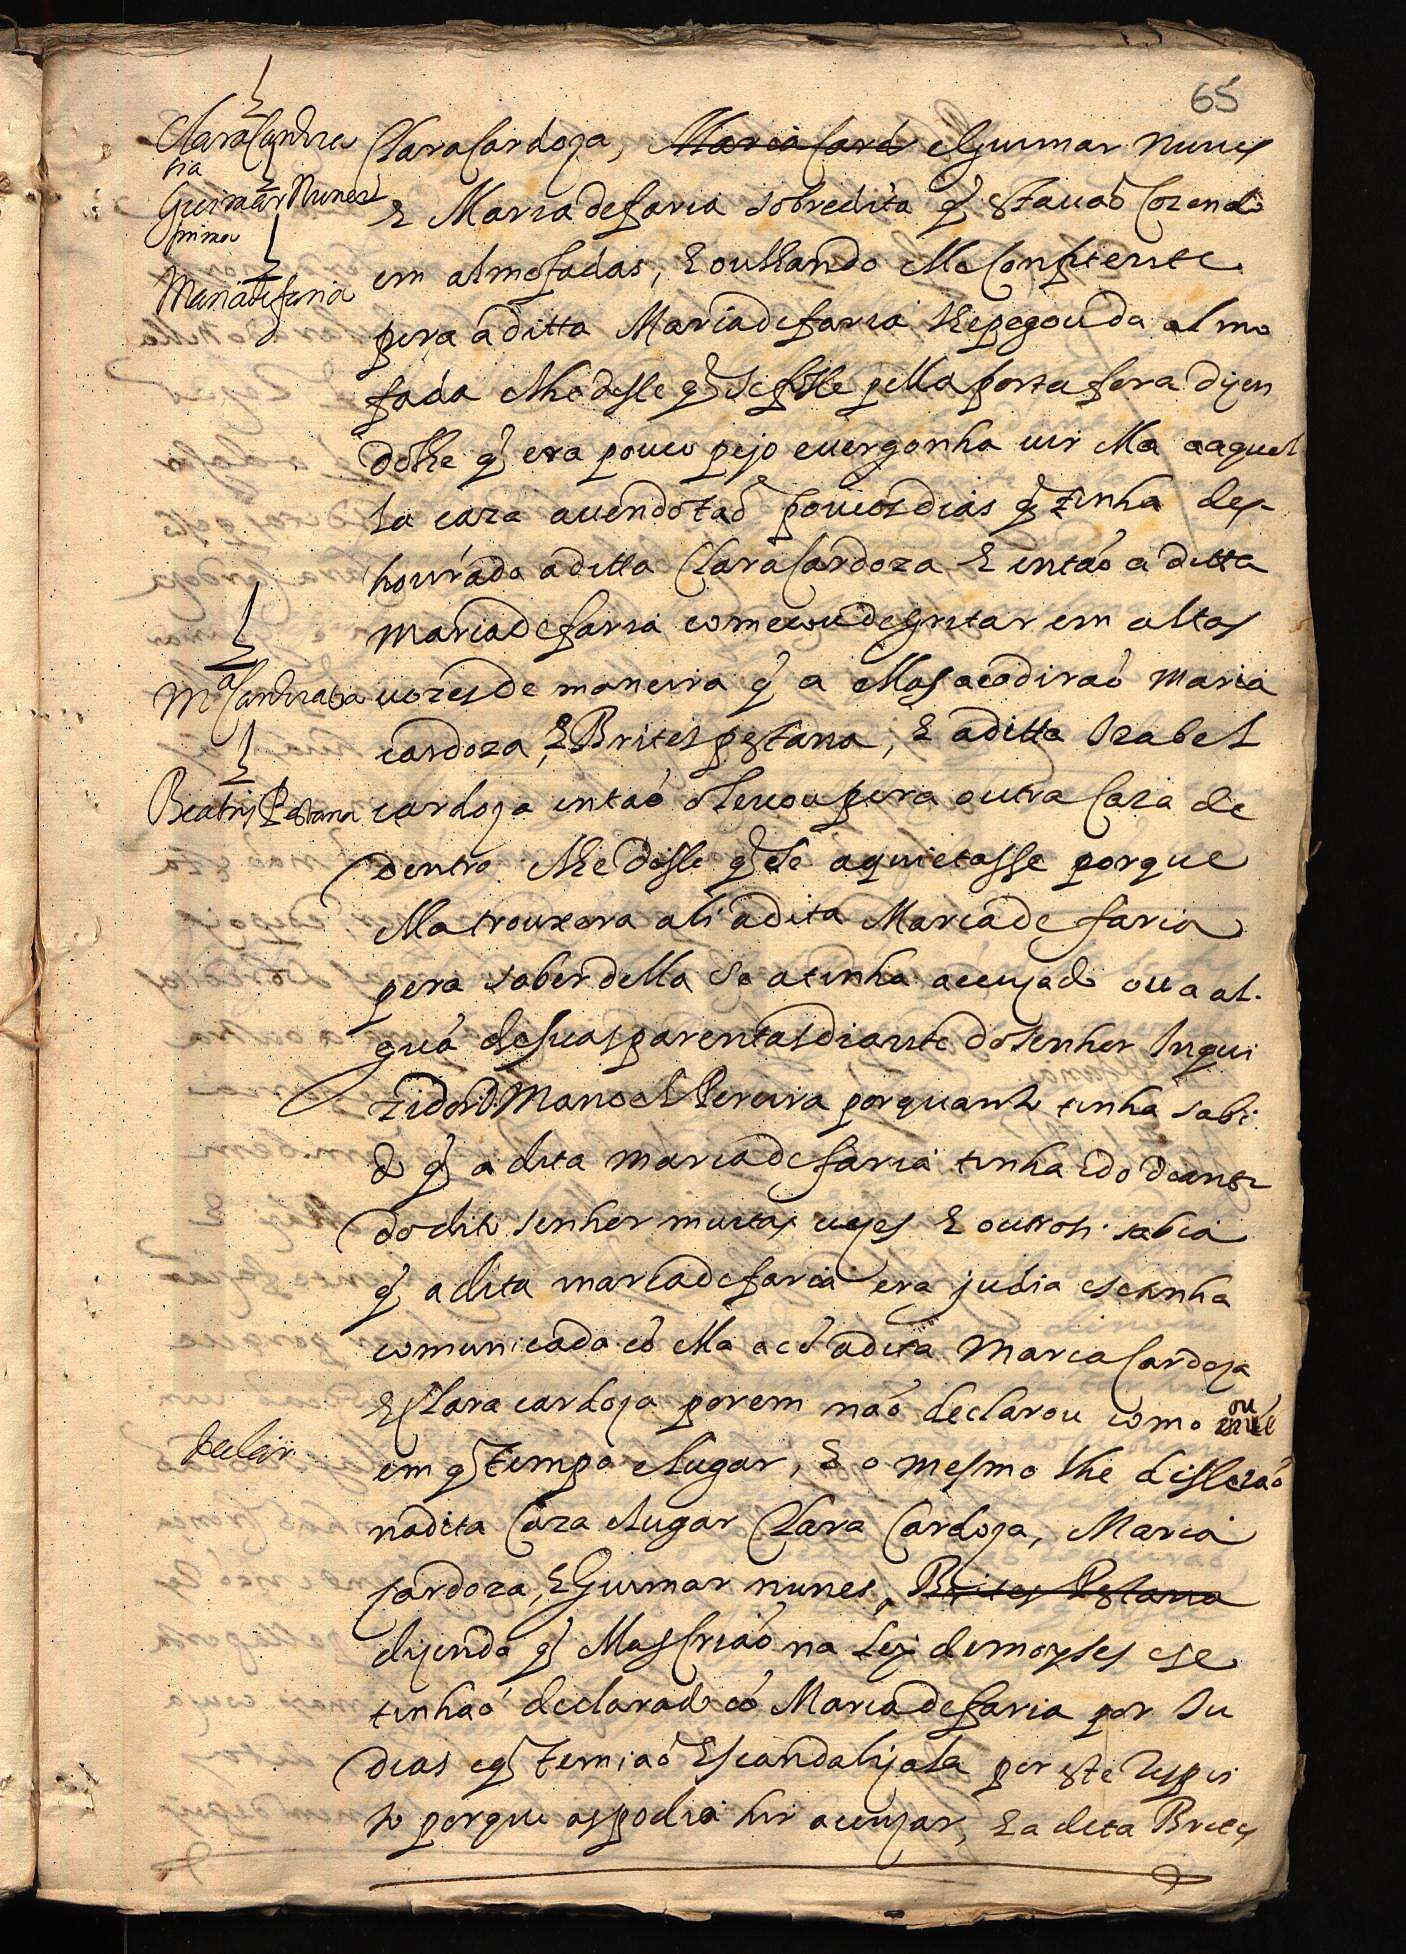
Clara Cardoza, Maria Card e Guimar Nunes
E Maria de faria sobredita q̄ estauaõ Cozendo
em Almofadas, E oulhando elle Confitente
pera a ditta Maria de faria lhe pegou da almo
fada e lhe disse q̄ se fosse pella porta fora dizen
dolhe q̄ era pouco pejo e uergonha uir ella aaquel
la caza auendo taõ poucos dias q̄ tinha des
honrádo a ditta Clara Cardoza E entaõ a ditta
maria de faria comecou de gritar em altas
uozes de maneira q̄ a ellas acodiraõ maria
cardoza, E Brites pestana, E a ditta IzabeL
cardoza entaõ o leuou pera outra Caza de
dentro e lhe disse q̄ se aquietasse porque
ella trouxera ali a dita Maria de faria
pera saber della se a tinha accuzado ou a al
guā de suas parentas diante do senhor Inqui
zidor D. Manoel Pereira porquanto tinha sabi
do q̄ a dita maria de faria tinha ido diante
do dito senhor muitas uezes E outrosi sabia
q̄ a dita maria de faria era judia e se tinha
comunicado cō ella e cō a dita Maria Cardoza
E Clara cardoza porem naõ declarou como
em q̄ tempo e lugar, E o mesmo lhe disseraõ
na dita Caza e lugar Clara Cardoza, Maria
Cardoza, E Guimar nunes, Brites Pestana
dizendo q̄ ellas Criaõ na Ley de moyses e se
tinhaõ declarado cō Maria de faria por Iu
dias e q̄ temiaõ Escandalizala per este Respei
to porque as podia hir accuzar, E a dita Brites
